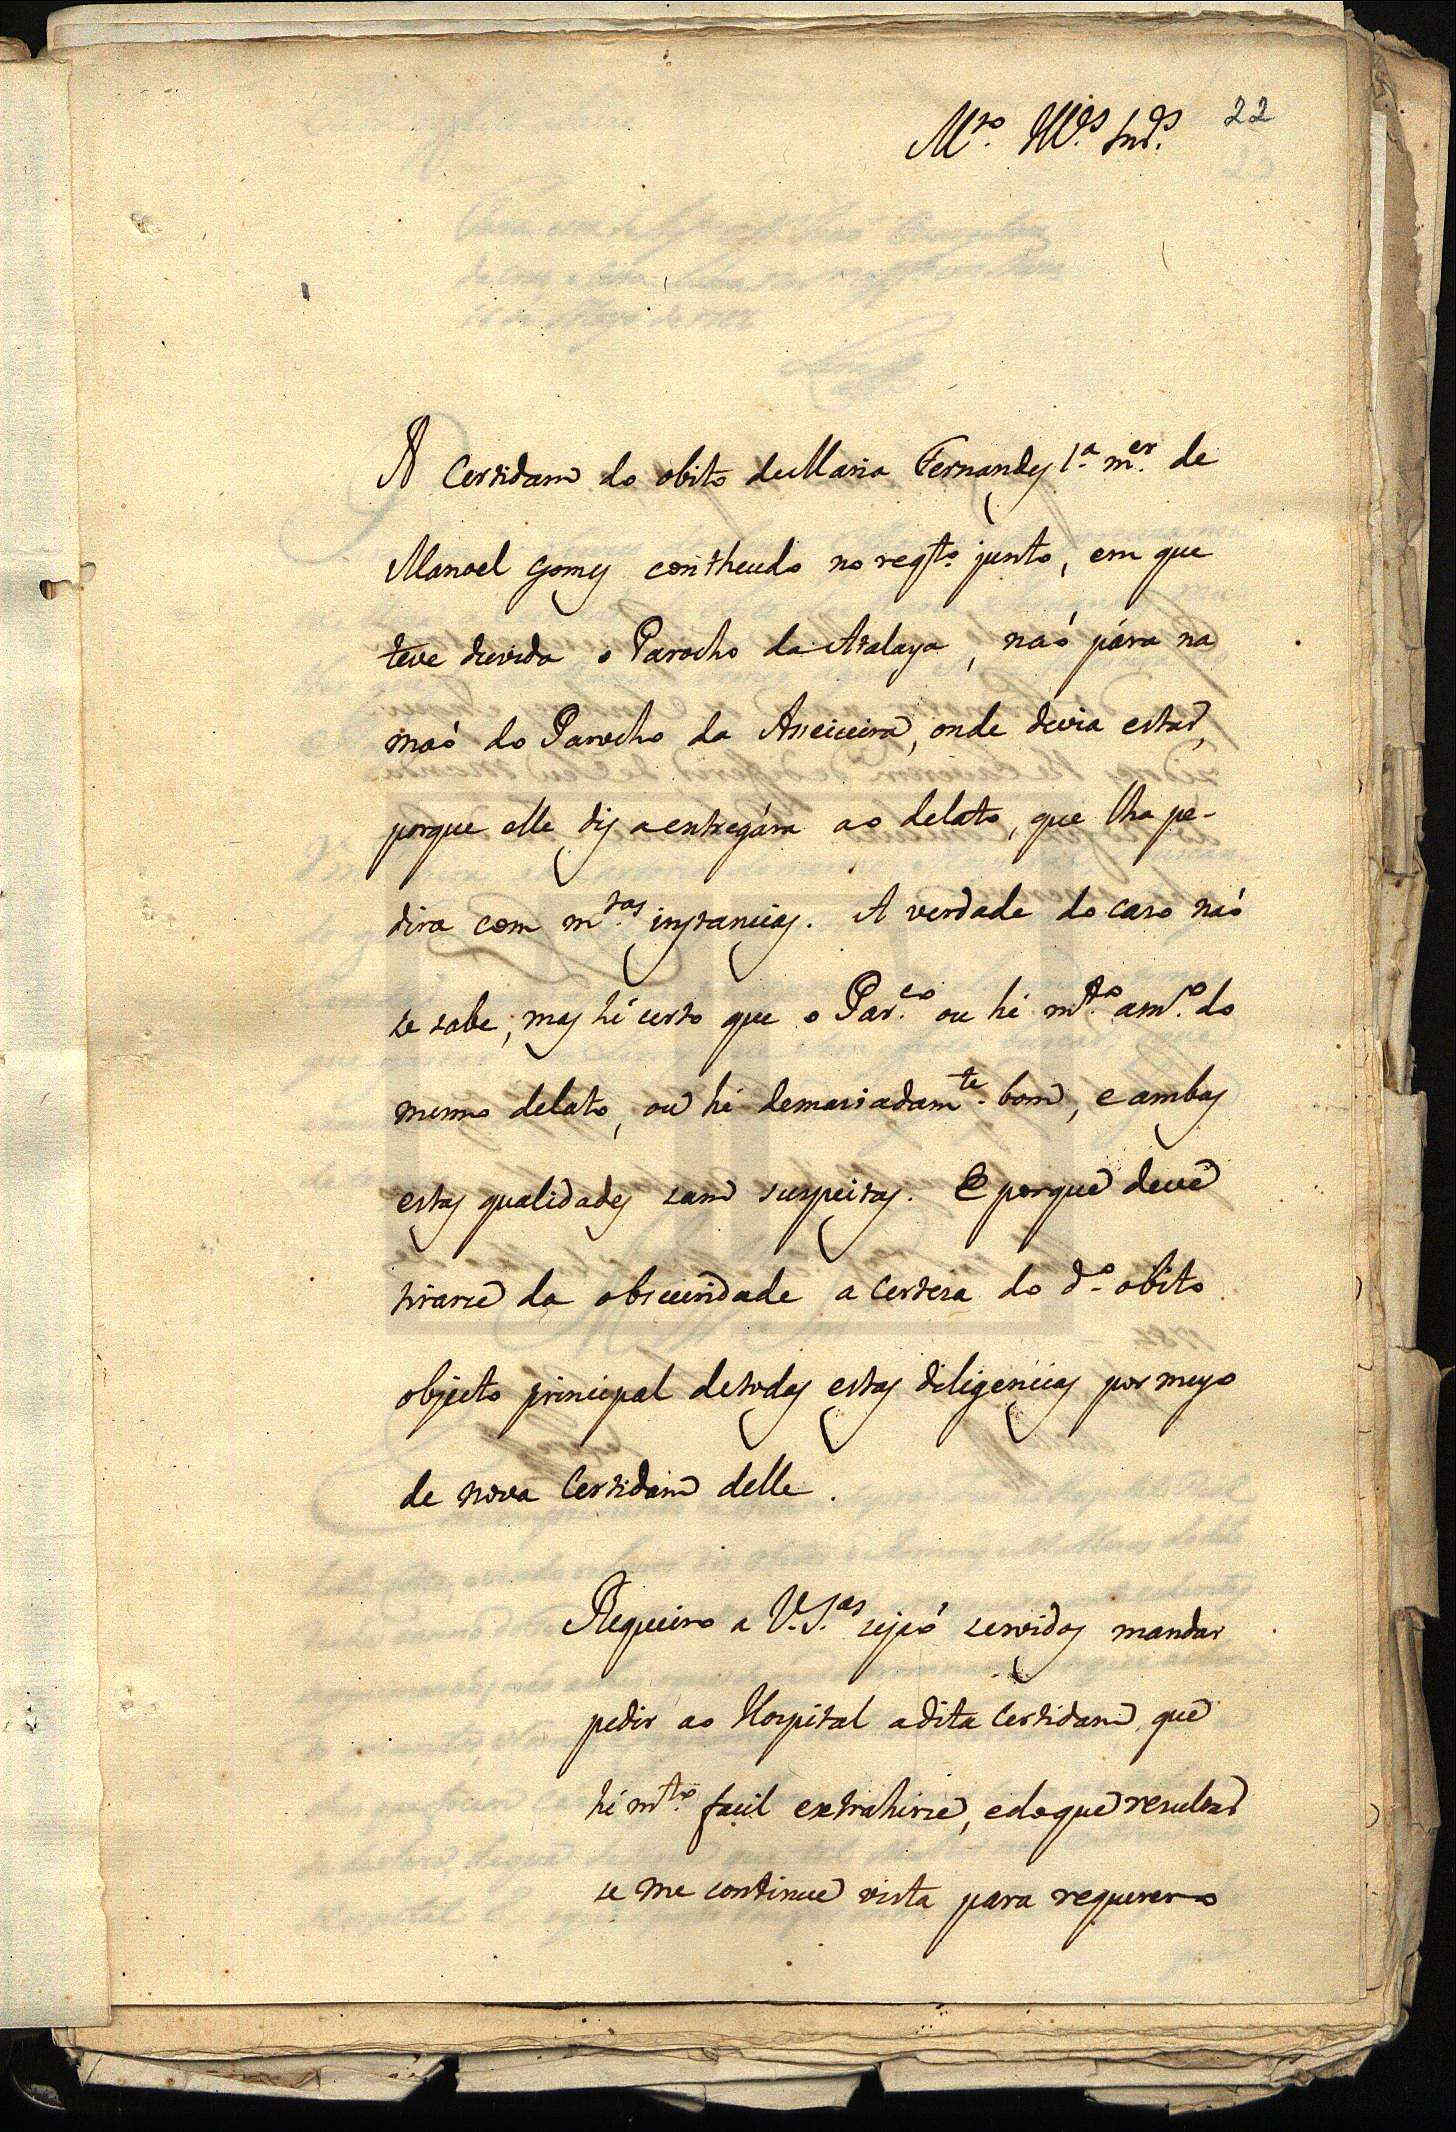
M.to Ill.es Snr.es
A Certidam do obito de Maria Fernandes 1.a m.er de
Manoel Gomes contheudo no req.to junto, em que
teve duvida o Parocho da Atalaya, naõ pára na
maõ do Parocho da Asseiceira, onde devia estar
porque elle dis a entregára ao delato, que lha pe
dira com m.tas instancias. A verdade do caso naõ
se sabe; mas hé certo que o Par.co ou hé m.to am.o do
mesmo delato, ou hé demasiadam.te bom, e ambas
estas qualidades sam suspeitas. E porque deve
tirarse da obscuridade a certeza do d.o obito
objeto principal de todas estas deligencias por meyo
de nova Certidam delle.
Requeiro a V. S.as sejaõ servidas mandar
pedir ao Hospital a dita certidam, que
hé m.to facil extrahirse, e do que resultar
se me continue vista para requerer o
